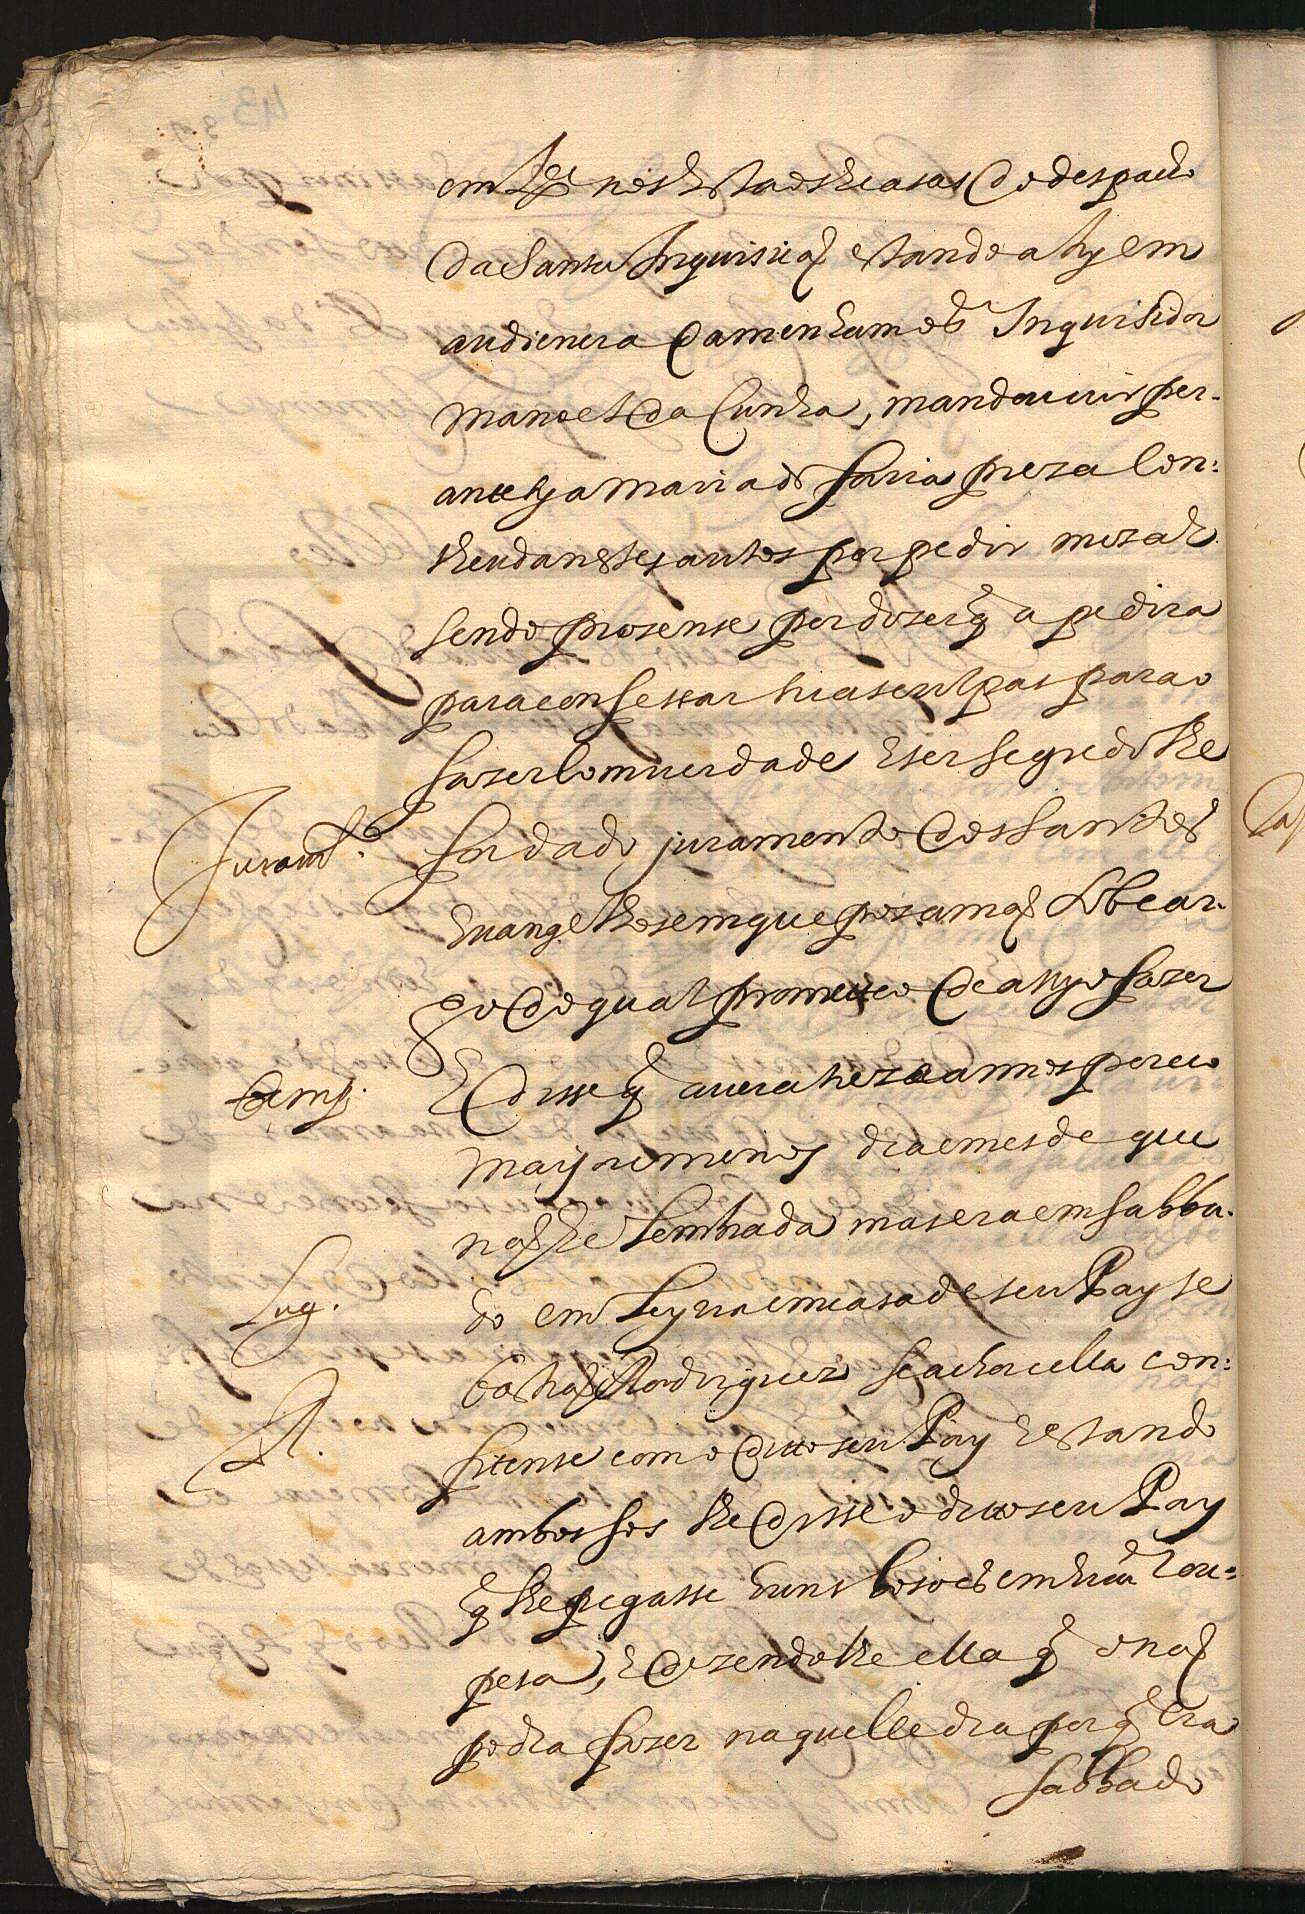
Juramt.o
temp.
Lug.
R.
em Lxa nos Estaos E casas do despacho
da Santa Inquisiçaõ estando ahy em
audiencia da menham o sor Inquisidor
manoel da Cunha, mandou uir per
ante sy a maria de faria preza con
theuda nestes autos por pedir meza E
sendo prezente por dizer q̄ a pedira
para confessar suas culpas para o
fazer com uerdade E ter segredo lhe
foi dado juramento dos santos
Euangelhos em que pos a maõ sob car
go do qual prometteo de assy o fazer
E disse q̄ auera treze annos pouco
mais ou menos, dia e mes de que
naõ he Lembrada mas era em sabba
do em Leyria em casa de seu Pay se
bastiaõ Rodriguez se achou ella con
fitente com o ditto seu Pay E estando
ambos sos lhe disse o ditto seu Pay
q̄ lhe pegasse huns botoes̄ em huā rou
peta, E dizendolhe ella q̄ o naõ
podia fazer naquelle dia porq̄ era
sabbado
